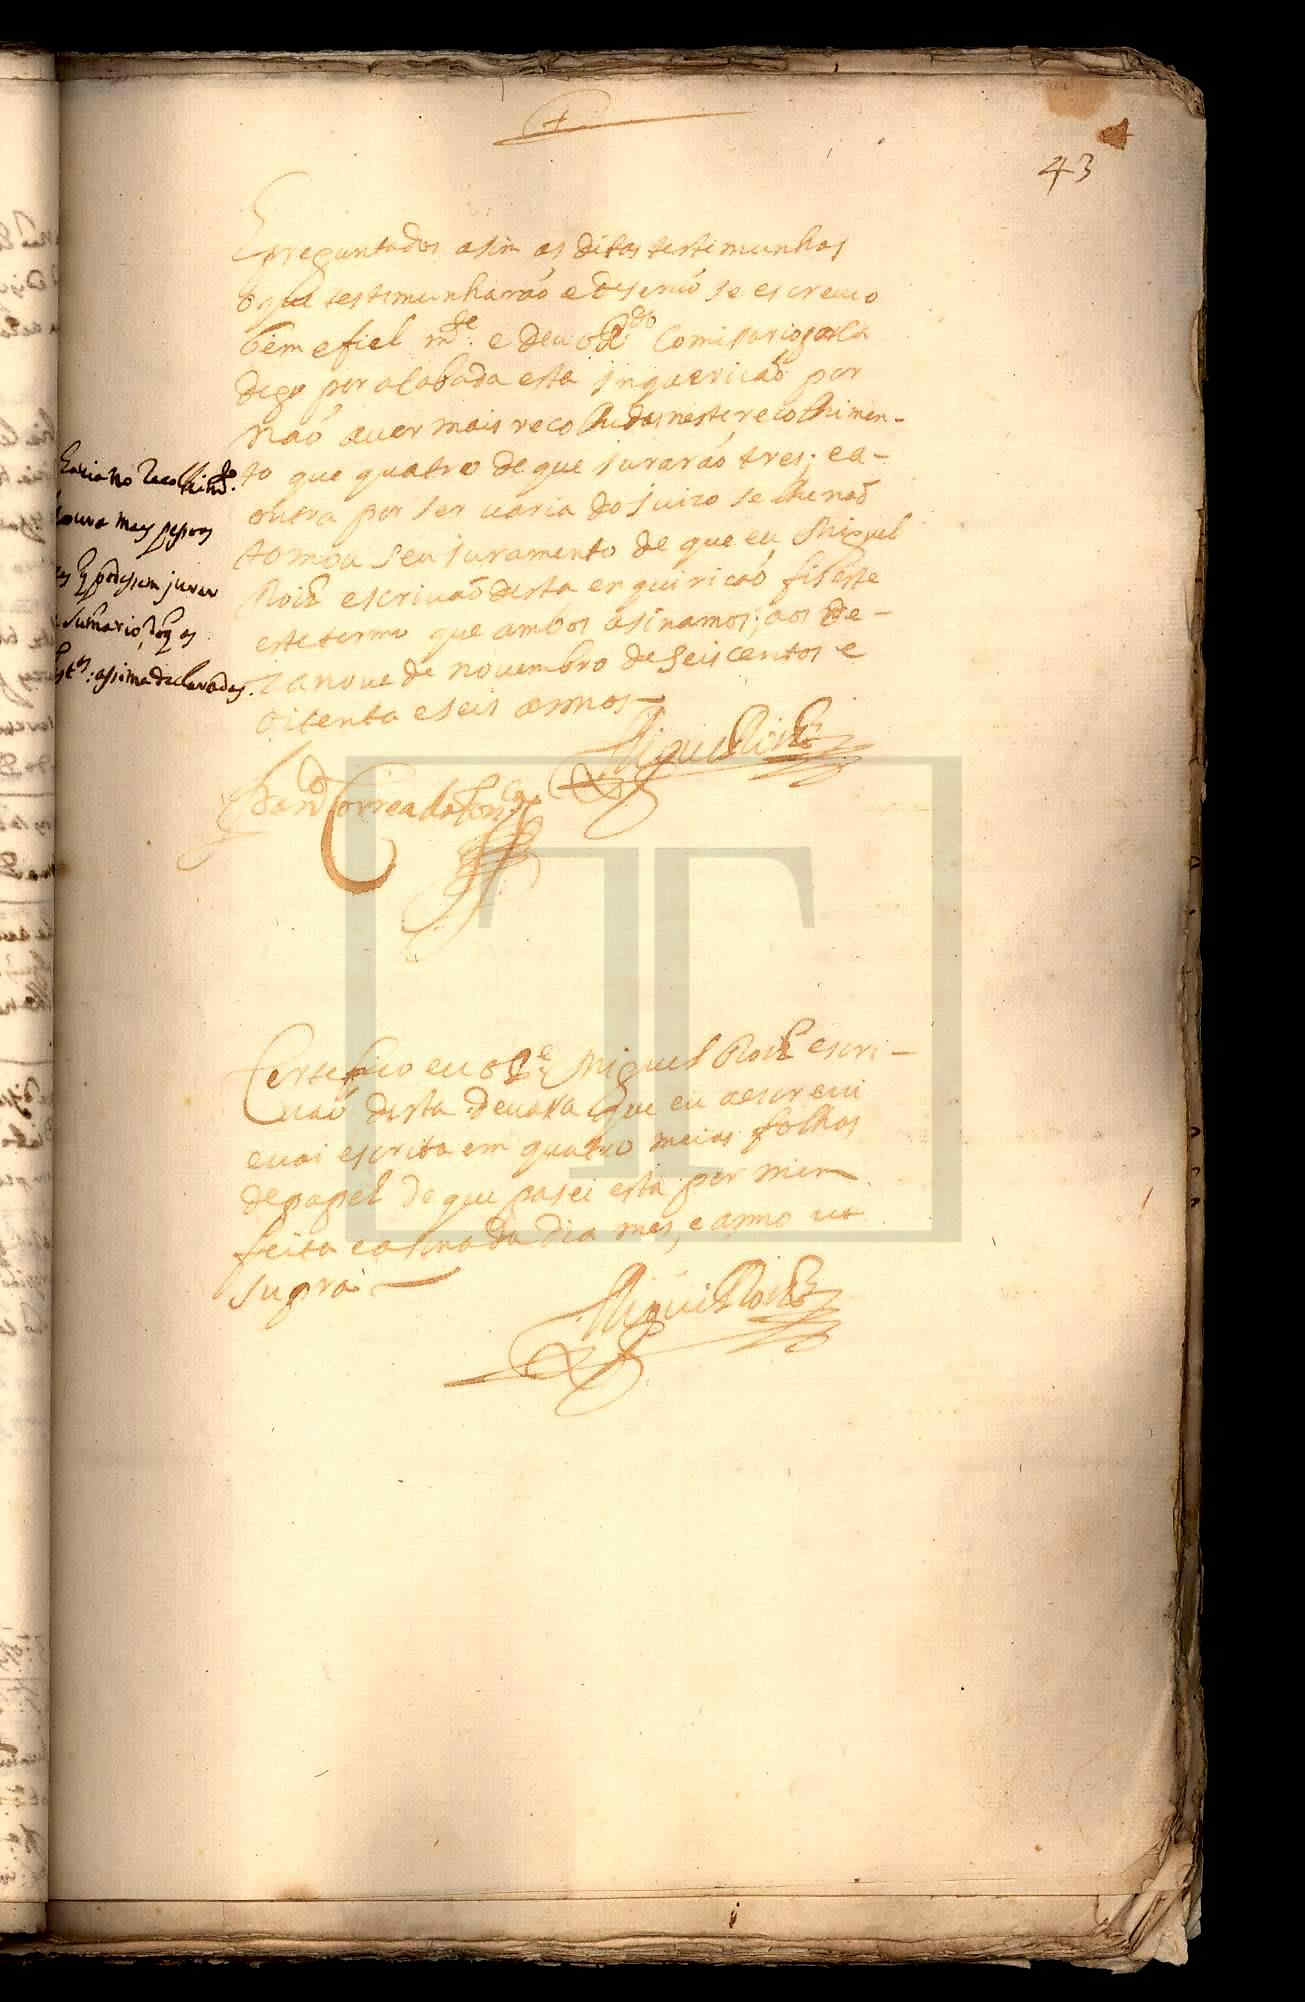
43
E preguntados asim as ditas testemunhas
o que testemunharaõ e diseraõ se escreueo
bem e fielm.te e deu o R.do Comissario por ca
digo por acabada esta inqueriçaõ por
naõ auer mais recolhidas neste recolhimen
to que quatro de que iuraraõ tres; e a
outra por ser uaria do iuizo se lhe naõ
tomou seu iuramento de que eu Miguel
Roiz̄ escriuaõ desta inquiriçaõ fis este
este termo que ambos asinamos; aos de
zanoue de nouembro de seiscentos e
oitenta e seis annos.
Miguel Roiz̄
franco Correa da Fonca
Certefico eu o P.e Miguel Roiz̄ escri
uaõ desta deuassa que eu a escreui
e uai escrita em quatro meias folhas
de papel de que pasei esta por mim
feita e asinada dia mes, e anno ut
supra
Miguel Roiz̄
hauia no Recolhimto.
oura mais pessoas
q̄ podessem jurar
sumario, do q̄ as
t.as assima declaradas
